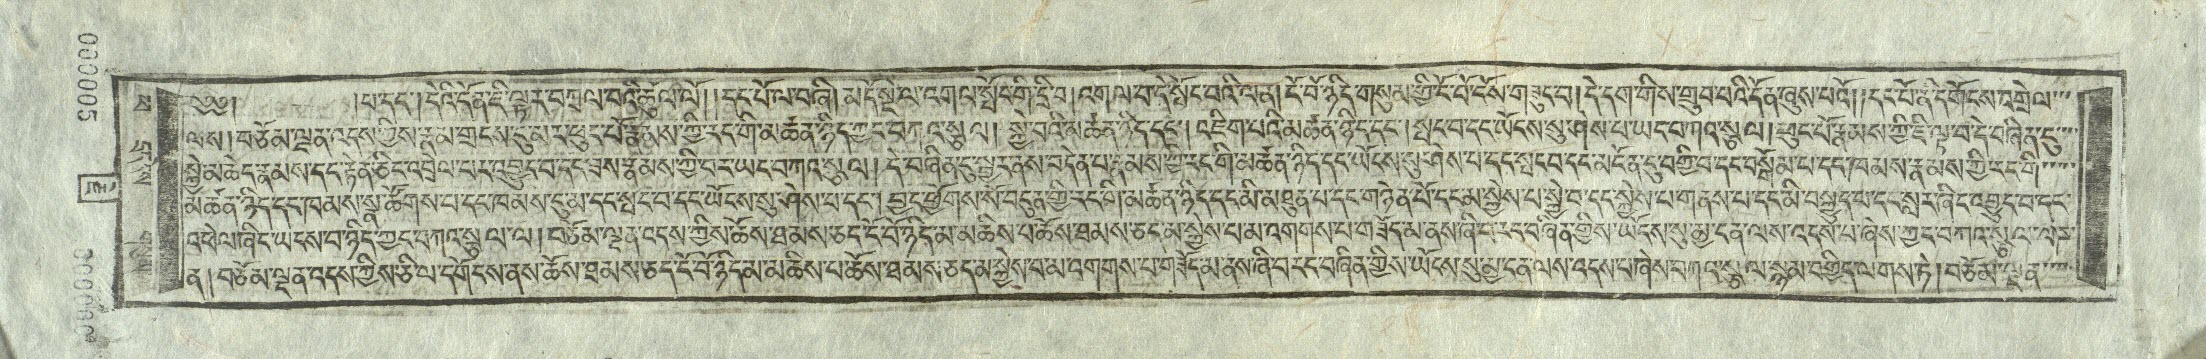༄༅། །པ་དང་། དེའི་དོན་ཇི་ལྟར་བཀྲལ་བའི་ཚུལ་ལོ། །དང་པོ་ལ་བཞི། མདོ་སྡེ་ལ་འགལ་སྤོང་གི་དྲི་བ། འགལ་བ་དེ་སྤོང་བའི་ལན། ངོ་བོ་ཉིད་གསུམ་གྱི་ངོ་བོ་ངོས་གཟུང་བ། དེ་དག་གིས་གྲུབ་པའི་དོན་ཞུས་པའོ། །དང་པོ་ནི་དགོངས་འགྲེལ་
ལས། བཅོམ་ལྡན་འདས་ཀྱིས་རྣམ་གྲངས་དུ་མར་ཕུང་པོ་རྣམས་ཀྱི་རང་གི་མཚན་ཉིད་ཀྱང་བཀའ་སྩལ། སྐྱེ་བའི་མཚན་ཉིད་དང་། འཇིག་པའི་མཚན་ཉིད་དང་། སྤང་བ་དང་ཡོངས་སུ་ཤེས་པ་ཡང་བཀའ་སྩལ། ཕུང་པོ་རྣམས་ཀྱི་ཇི་ལྟ་བ་དེ་བཞིན་དུ་
སྐྱེ་མཆེད་རྣམས་དང་རྟེན་ཅིང་འབྲེལ་པར་འབྱུང་བ་དང་ཟས་རྣམས་ཀྱི་བར་ཡང་བཀའ་སྩལ། དེ་བཞིན་དུ་སྦྱར་ནས་བདེན་པ་རྣམས་ཀྱི་རང་གི་མཚན་ཉིད་དང་ཡོངས་སུ་ཤེས་པ་དང་སྤང་བ་དང་མངོན་དུ་བགྱི་བ་དང་བསྒོམ་པ་དང་ཁམས་རྣམས་ཀྱི་རང་གི་
མཚན་ཉིད་དང་ཁམས་སྣ་ཚོགས་པ་དང་ཁམས་དུ་མ་དང་སྤང་བ་དང་ཡོངས་སུ་ཤེས་པ་དང་། བྱང་ཕྱོགས་སོ་བདུན་གྱི་རང་གི་མཚན་ཉིད་དང་མི་མཐུན་པ་དང་གཉེན་པོ་དང་མ་སྐྱེས་པ་སྐྱེ་བ་དང་སྐྱེས་པ་གནས་པ་དང་མི་བསྐྱུད་པ་དང་སླར་ཞིང་འབྱུང་བ་དང་
འཕེལ་ཞིང་ཡངས་བ་ཉིད་ཀྱང་བཀའ་སྩལ་ལ། བཅོམ་ལྡན་འདས་ཀྱིས་ཆོས་ཐམས་ཅད་ངོ་བོ་ཉིད་མ་མཆིས་པ་ཆོས་ཐམས་ཅད་མ་སྐྱེས་པ་མ་འགགས་པ་གཟོད་མ་ནས་ཞི་བ་རང་བཞིན་གྱིས་ཡོངས་སུ་མྱ་ངན་ལས་འདས་པ་ཞེས་ཀྱང་བཀའ་སྩལ་ལགས་
ན། བཅོམ་ལྡན་འདས་ཀྱིས་ཅི་ལ་དགོངས་ནས་ཆོས་ཐམས་ཅད་ངོ་བོ་ཉིད་མ་མཆིས་པ་ཆོས་ཐམས་ཅད་མ་སྐྱེས་པ་མ་འགགས་པ་བཟོད་མ་ནས་ཞི་བ་རང་བཞིན་གྱིས་ཡོངས་སུ་མྱ་ངན་ལས་འདས་པ་ཞེས་བཀའ་སྩལ་སྙམ་བགྱིད་ལགས་ཏེ། བཅོམ་ལྡན་